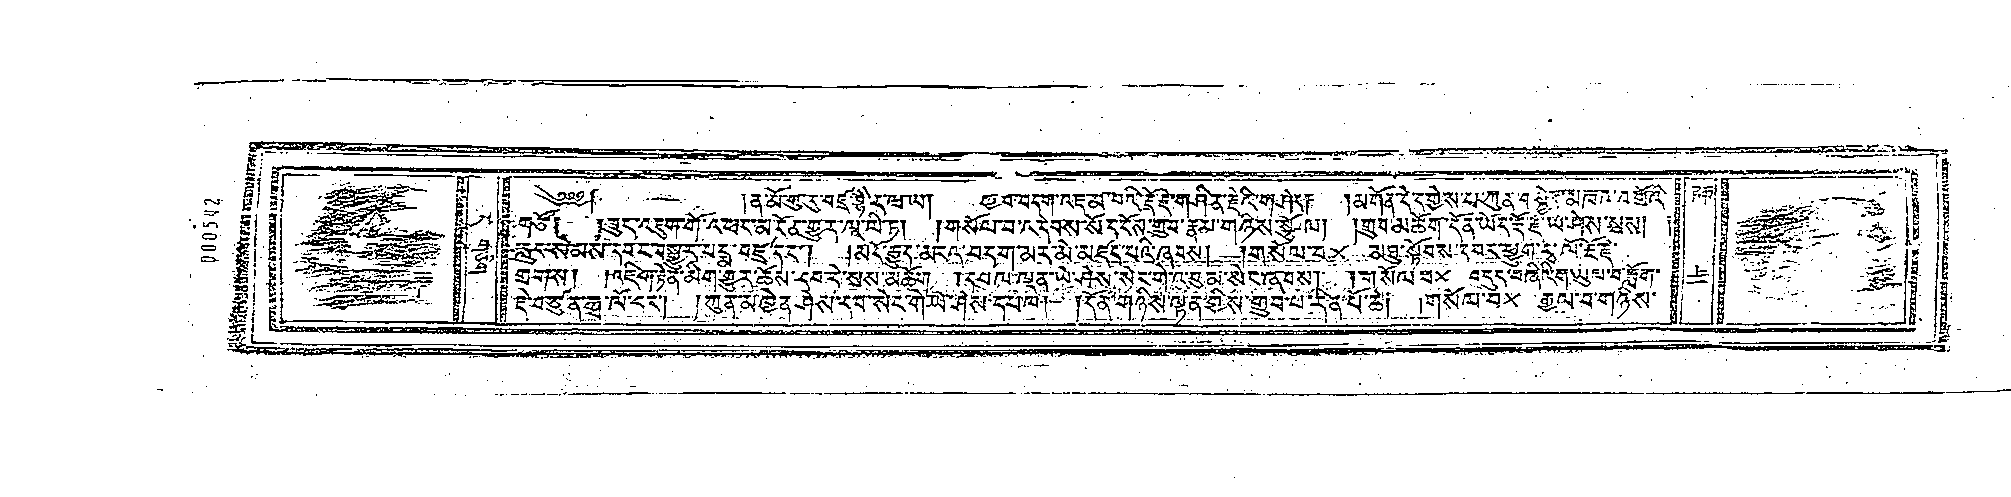༄༅༅། །ན་མོ་གུ་རུ་བཛྲ་བྷཻ་ར་ཝ་ཡ། ཁྱབ་བདག་འཇམ་པའི་རྡོ་རྗེ་གཤིན་རྗེའི་གཤེད། །མགོན་དེ་དགྱེས་པ་ཀུན་བསྐྱེད་མཁའ་འགྲོའི་
གཙོ། །ཟུང་འཇུག་གོ་འཕང་མངོན་གྱུར་ལཱ་ལི་ཏ། །གསོལ་བ་འདེབས་སོ་དངོས་གྲུབ་རྣམ་གཉིས་སྩོལ། །གྲུབ་མཆོག་དོན་ཡོད་རྡོ་རྗེ་ཡེ་ཤེས་སྦས།
རླུང་སེམས་དབང་བསྒྱུར་པདམ་བཛྲ་དང་། །མདོ་རྒྱུད་མངའ་བདག་མར་མེ་མཛད་པའི་ཞབས། །གསོལ་བ་྾་མཐུ་ཚོགས་དབང་ཕྱུག་རྭ་ལོ་རྡོ་རྗེ་
གྲགས། །འཇིག་རྟེན་མིག་གྱུར་ཆོས་རབ་རེ་སྲས་མཆོག །དཔལ་ལྡན་ཡེ་ཤེས་སེང་གེ་འབུམ་སེང་ཞབས། །གསོལ་བ་྾་བདུད་བཞིའི་གཡུལ་བཟློག་
རྗེ་བཙུན་རྒྭ་ལོ་དང་། །ཀུན་མཁྱེན་ཤེས་རབ་སེང་གེ་ཡེ་ཤེས་དཔལ། །དོན་གཉིས་ལྷན་གྱིས་གྲུབ་པ་རིན་པོ་ཆེ། །གསོལ་བ་྾་རྒྱལ་བ་གཉིས་